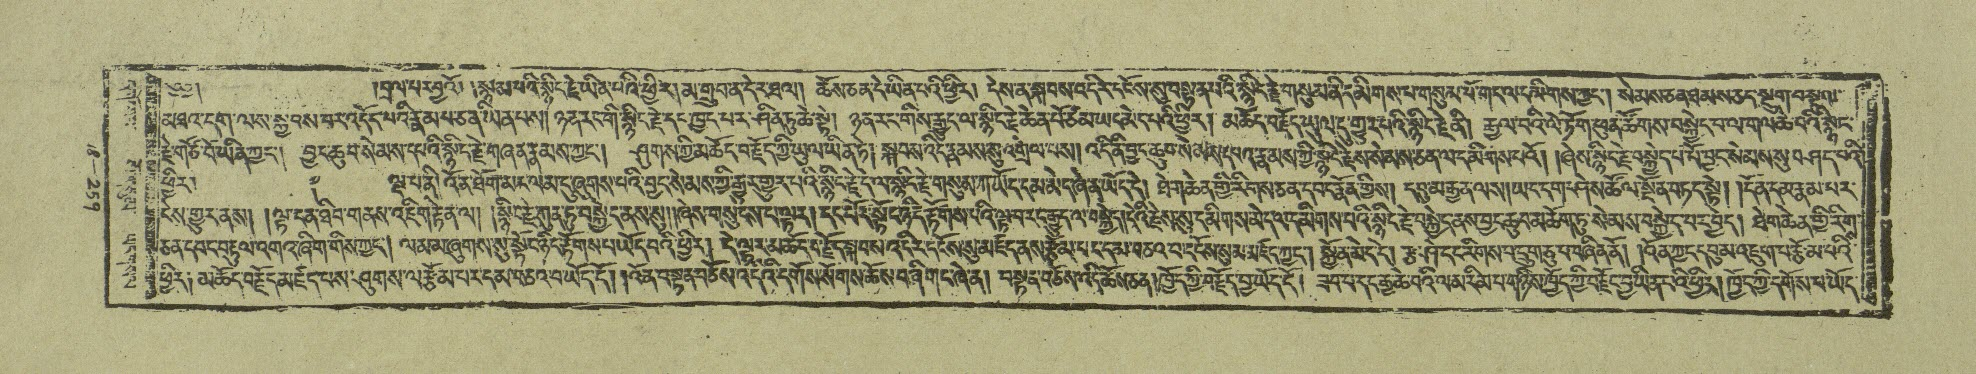༄༅། །བྲལ་བར་བྱའོ། །སྙམ་པའི་སྙིང་རྗེ་ཡིན་པའི་ཕྱིར། མ་གྲུབ་ན་དེར་ཐལ། ཆོས་ཅན་དེ་ཡིན་པའི་ཕྱིར། དེས་ན་སྐབས་འདིར་དངོས་སུ་བསྟན་པའི་སྙིང་རྗེ་གསུམ་ནི་དམིགས་པ་གསུམ་པོ་གང་ལ་དམིགས་ཀྱང་། སེམས་ཅན་ཐམས་ཅད་སྡུག་བསྔལ་
མཐའ་དག་ལས་སྐྱབས་པར་འདོད་པའི་རྣམ་པ་ཅན་ཡིན་པས། ཉན་རང་གི་སྙིང་རྗེ་དང་ཁྱད་པར་ཤིན་ཏུ་ཆེ་སྟེ། ཉན་རང་གིས་རྒྱུད་ལ་སྙིང་རྗེ་ཆེན་པོ་ཙམ་ཡང་མེད་པའི་ཕྱིར། མཆོད་བརྗོད་ཡུལ་དུ་གྱུར་པའི་སྙིང་རྗེ་ནི། རྒྱལ་བའི་ལོ་ཏོག་ཕུན་ཚོགས་བསྐྱེད་པ་ལ་གལ་ཆེ་བའི་སྙིང་
རྗེ་གཙོ་བོ་ཡིན་ཀྱང་། བྱང་ཆུབ་སེམས་དཔའི་སྙིང་རྗེ་གཞན་རྣམས་ཀྱང་། ཤུགས་ཀྱི་མཆོད་བརྗོད་ཀྱི་མུལ་ཡིན་ཏེ། སྐབས་འདི་རྣམས་སུ་འགྲེལ་པས། འདི་ནི་བྱང་ཆུབ་སེམས་དཔའ་རྣམས་ཀྱི་སྙིང་རྗེས་སེམས་ཅན་ལ་དམིགས་པའོ། །ཞེས་སྙིང་རྗེ་བསྐྱེད་པ་པོ་བྱང་སེམས་སུ་བཤད་པའི་
ཕྱིར། ༈ ལྔ་པ་ནི། འོ་ན་ཐོག་མར་ལམ་དུ་ཞུགས་པའི་བྱང་སེམས་ཀྱི་རྒྱུར་གྱུར་པའི་སྙིང་རྗེ་དེ་ལ་སྙིང་རྗེ་གསུམ་ཀ་ཡོད་དམ་མེད་ཞེ་ན་ཡོད་དེ། ཐེག་ཆེན་གྱི་རིགས་ཅན་དབང་རྣོན་གྱིས། དབུ་མ་རྒྱན་ལས། ཡང་དག་ཤེས་ཚོལ་སྔོན་བཏང་སྟེ། །དོན་དམ་རྣམ་པར་
ངེས་གྱུར་ནས། །ལྟ་ངན་ཐིབ་གནས་འཇིག་རྟེན་ལ། །སྙིང་རྗེ་ཀུན་ཏུ་བསྐྱེད་ནས་སུ། །ཞེས་གསུངས་པ་ལྟར། དང་པོར་སྟོང་ཉིད་རྟོགས་པའི་ལྟ་བ་རང་རྒྱུད་ལ་བསྐྱེད། དེའི་རྗེས་སུ་དམིགས་མེད་ལ་དམིགས་པའི་སྙིང་རྗེ་བསྐྱེད་ནས་བྱང་ཆུབ་མཆོག་ཏུ་སེམས་བསྐྱེད་པར་བྱེད། ཐེག་ཆེན་གྱི་རིགས་
ཅན་དབང་བརྟུལ་འགའ་ཞིག་གིས་ཀྱང་། ལམ་མ་ཞུགས་སུ་སྟོང་ཉིད་རྟོགས་པ་ཡོད་པའི་ཕྱིར། དེ་ལྟར་མཆོད་བརྗོད་སྐབས་འདིར་དངོས་སུ་མཛད་ནས་རྩོམ་པར་དམ་བཅའ་བ་དངོས་སུ་མ་མཛད་ཀྱང་། སྐྱོན་མེད་དེ། རྩ་ཤེ་དང་རིགས་པ་དྲུག་ཅུ་པ་བཞིན་ནོ། །འོན་ཀྱང་དབུ་མ་འཇུག་པ་རྩོམ་པའི་
ཕྱིར། མཆོད་བརྗོད་མཛད་པས་ཤུགས་ལ་རྩོམ་པར་དམ་བཅའ་བ་ཡོད་དོ། །འོ་ན་བསྟན་བཅོས་འདིའི་དགོས་སོགས་ཆོས་བཞི་གང་ཞེ་ན། བསྟན་བཅོས་འདི་ཆོས་ཅན། ཁྱོད་ཀྱི་བརྗོད་བྱ་ཡོད་དེ། ཟབ་པ་དང་རྒྱ་ཆེ་བའི་ལམ་རིམ་པ་གཉིས་ཁྱོད་ཀྱི་བརྗོད་བྱ་ཡིན་པའི་ཕྱིར། ཁྱོད་ཀྱི་དགོས་པ་ཡོད་